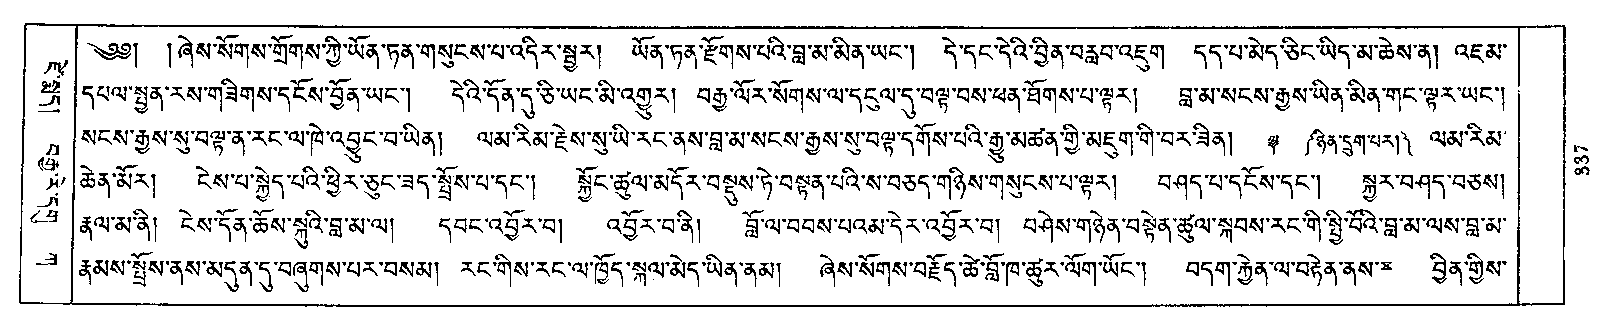༄༅། །ཞེས་སོགས་གྲོགས་ཀྱི་ཡོན་ཏན་གསུངས་པ་འདིར་སྦྱར། ཡོན་ཏན་རྫོགས་པའི་བླ་མ་མིན་ཡང་། དེ་དང་དེའི་བྱིན་བརླབ་འཇུག་དད་པ་མེད་ཅིང་ཡིད་མ་ཆེས་ན། འཇམ་
དཔལ་སྤྱན་རས་གཟིགས་དངོས་བྱོན་ཡང་། དེའི་དོན་དུ་ཅི་ཡང་མི་འགྱུར། བརྒྱ་ལོར་སོགས་ལ་དངུལ་དུ་བལྟ་བས་ཕན་ཐོགས་པ་ལྟར། བླ་མ་སངས་རྒྱས་ཡིན་མིན་གང་ལྟར་ཡང་།
སངས་རྒྱས་སུ་བལྟ་ན་རང་ལ་ཁེ་འབྱུང་བ་ཡིན། ལམ་རིམ་རྗེས་སུ་ཡི་རང་ནས་བླ་མ་སངས་རྒྱས་སུ་བལྟ་དགོས་པའི་རྒྱུ་མཚན་གྱི་མཇུག་གི་བར་ཟིན། ༈ ཉིན་དྲུག་པར།?་ལམ་རིམ་
ཆེན་མོར། ངེས་པ་སྐྱེད་པའི་ཕྱིར་ཅུང་ཟད་སྤྲོས་པ་དང་། སྐྱོང་ཚུལ་མདོར་བསྡུས་ཏེ་བསྟན་པའི་ས་བཅད་གཉིས་གསུངས་པ་ལྟར། བཤད་པ་དངོས་དང་། སྐྱར་བཤད་བཅས།
རྣལ་མ་ནི། ངེས་དོན་ཆོས་སྐུའི་བླ་མ་ལ། དབང་འབྱོར་བ། འབྱོར་བ་ནི། བློ་ལ་བབས་པའམ་དེར་འབྱོར་བ། བཤེས་གཉེན་བསྟེན་ཚུལ་སྐབས་རང་གི་སྤྱི་བོའི་བླ་མ་ལས་བླ་མ་
རྣམས་སྤྲོས་ནས་མདུན་དུ་བཞུགས་པར་བསམ། རང་གིས་རང་ལ་ཁྱོད་སྐལ་མེད་ཡིན་ནམ། ཞེས་སོགས་བརྗོད་ཚེ་བློ་ཁ་ཚུར་ལོག་ཡོང་། བདག་རྐྱེན་ལ་བརྟེན་ནས་྾་བྱིན་གྱིས་